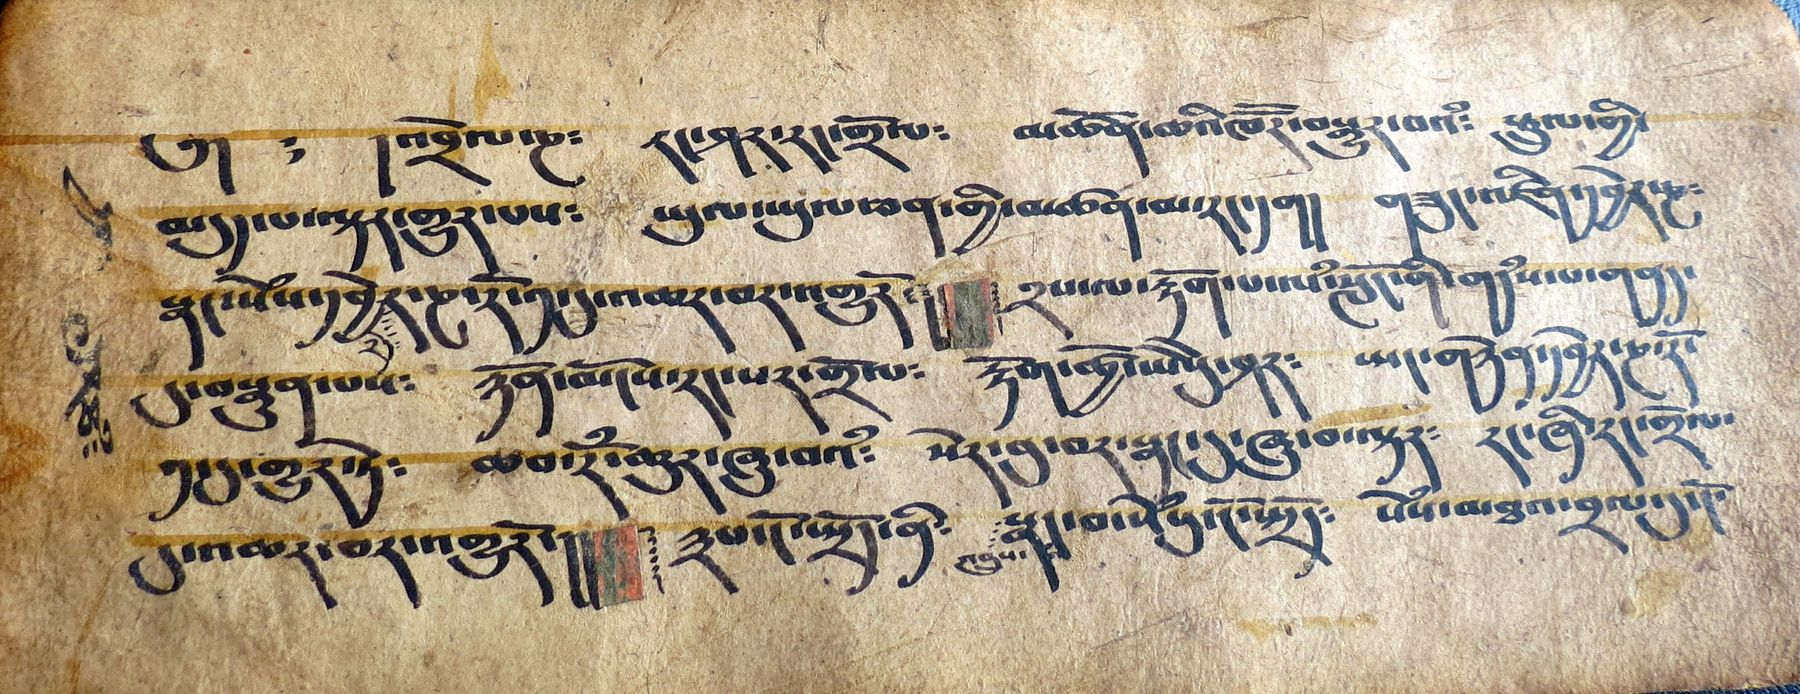འབྲལ་མེད་དུ་རང་ཤར་རང་གྲོལ། མཚོན་ཆའི་འཁོར་ལོ་བསྒྱུར་བའམ། སྦྲུལ་གྱི་
མདུད་པ་ལྟར་གྱུར་པས། ཡུལ་དང་ཡུལ་ཅན་གྱི་མཚན་མ་རང་དག གཟུང་འཛིན་དབྱེར་མེད། 
སྣང་སེམས་གཉིས་མེད་རོ་གཅིག་ཏུ་འཆར་བར་འགྱུར་རོ། ། གཉིས་པ་ལ་རྟོག་པ་ལམ་སློང་གི་གདམས་པ་གནད་
དུ་བསྣུན་པས། ཉོན་མོངས་རང་སར་གྲོལ། རྟོག་ཚོགས་ཡེ་ཤེས་སུ་ཤར། སྤང་གཉེན་དབྱེར་མེད་རོ་
གཅིག་ཏུ་གྱུར་ཏེ། ཆབ་རོམ་ཆུར་ཞུ་བའམ། སེར་བུ་བར་སྣང་དུ་ཞུ་བ་ལྟར། རང་ཞི་རང་གྲོལ་
དུ་འཆར་བར་འགྱུར་རོ། ། གསུམ་པ་ངོ་སྤྲོད་འབྲས་བུས་སྣང་བ་སེམས་སུ་ངོ་སྤྲད། སེམས་མཐའ་བྲལ་དུ་ངོ་